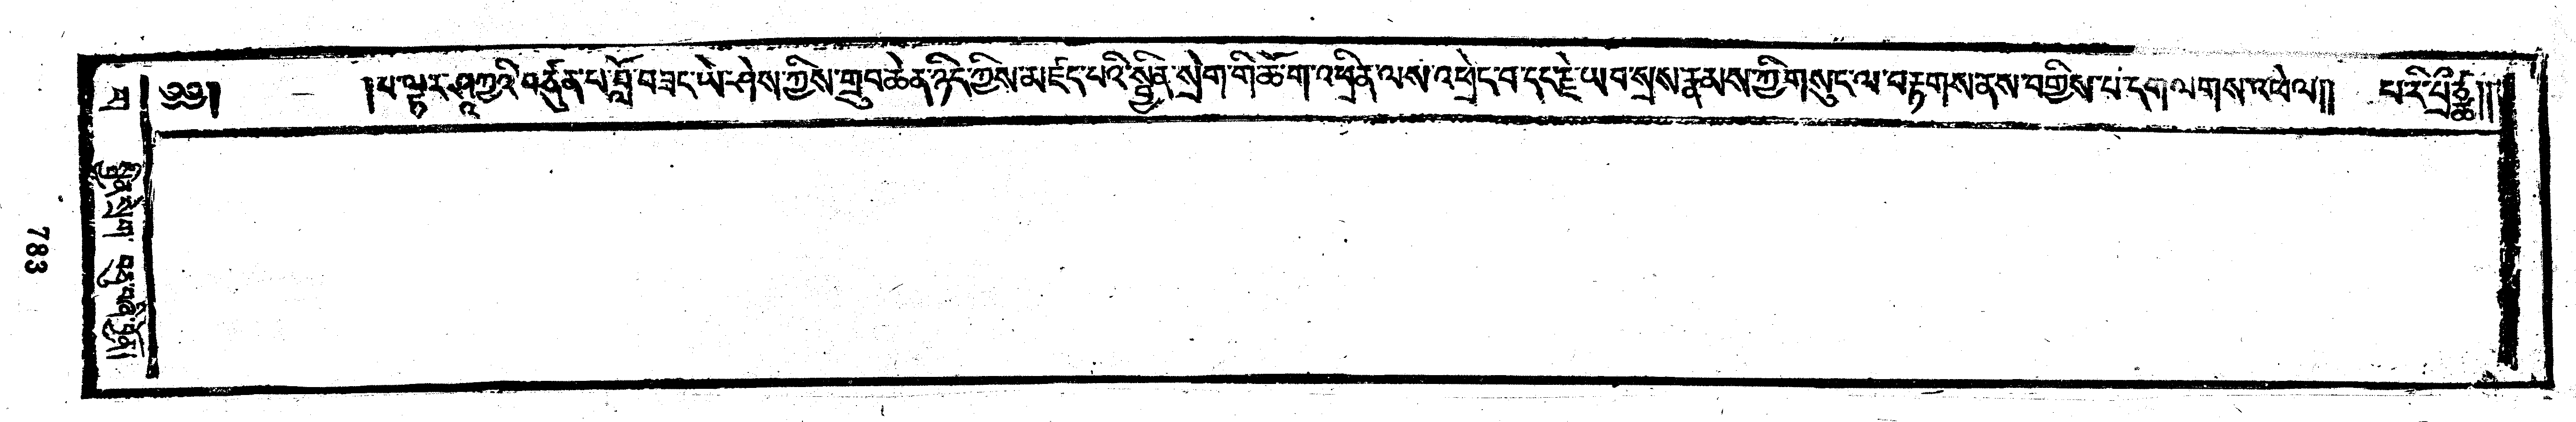༄༅། །པ་ལྟར་ཤཱཀྱའི་བཙུན་པ་བློ་བཟང་ཡེ་ཤེས་ཀྱིས་གྲུབ་ཆེན་ཉིད་ཀྱིས་མཛད་པའི་སྦྱིན་སྲེག་གི་ཆོ་ག་འཕྲིན་ལས་འཕྲེང་བ་དང་རྗེ་ཡབ་སྲས་རྣམས་ཀྱི་གསུང་ལ་བརྟགས་ནས་བགྱིས་པ་དག་ལགས་འཕེལ།། པ་རི་པྲྀཙྪ།།